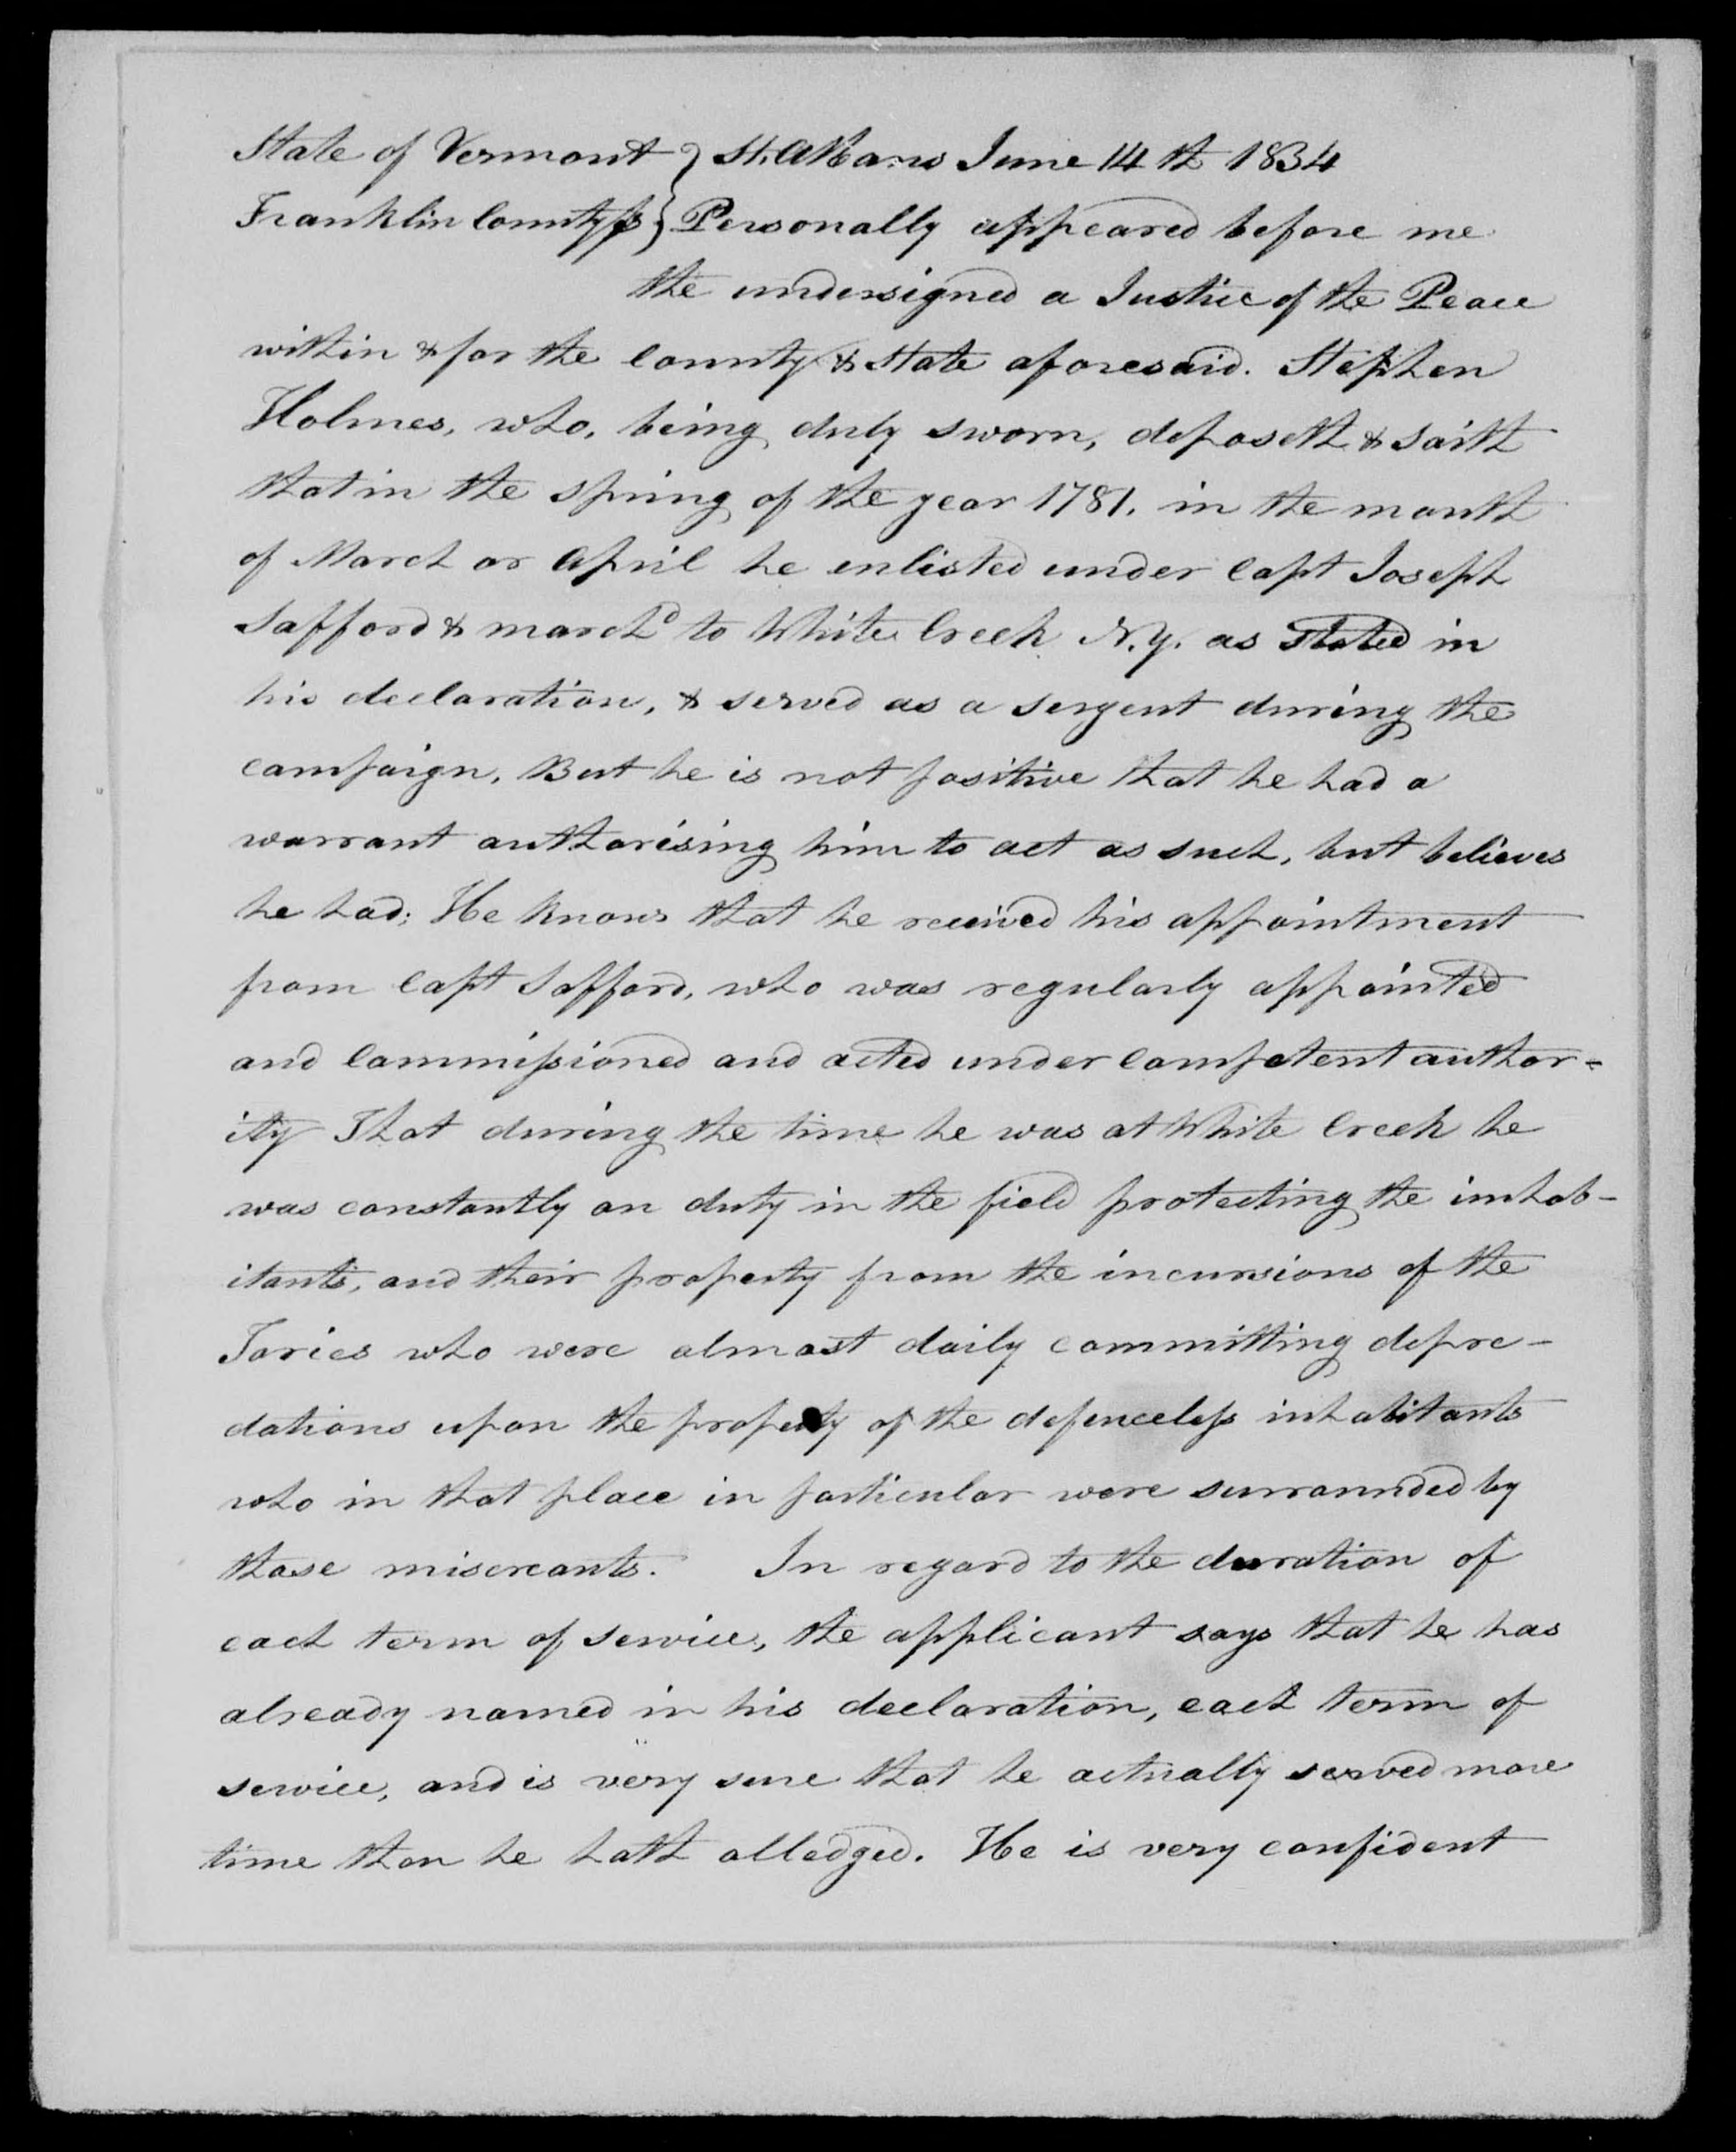State of Vermont
Franklin County ss

St. Albans June 14 th 1834

Personally appeared before me the undersigned a Justice of the Peace within & for the county & state aforesaid. Stephen Holmes, who being duly sword, deposeth & saith that in the spring of the year 1787, in the month of March or April he enlisted under Capt Joseph Safford & marchd to White Creek N.Y. as stated in his declaration, & served as a sergent during the campaign, But he is not positive that he had a warrant authorising him to act as such, but believes he had; He knows that he received his appointment from Capt Safford, who was regularly appointed and commissioned and acted under competent authority That during the time he was at White Creek he was constantly on duty in the field protecting the inhabitants, and their property from the incursions of the Tories who were almost daily committing depredations upon the property of the defenceless inhabitants who in that place in particular were surrounded by these miscreants. In regard to the duration of each term of service, the applicant says that he has already named in his declaration, each term of service, and is very sure that he actually served more time than he hath alledged. He is very confident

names: Stephen Holmes, Safford, Joseph Safford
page: 33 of 72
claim: widow's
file: W. 7771, Stephen Holmes, Vt.